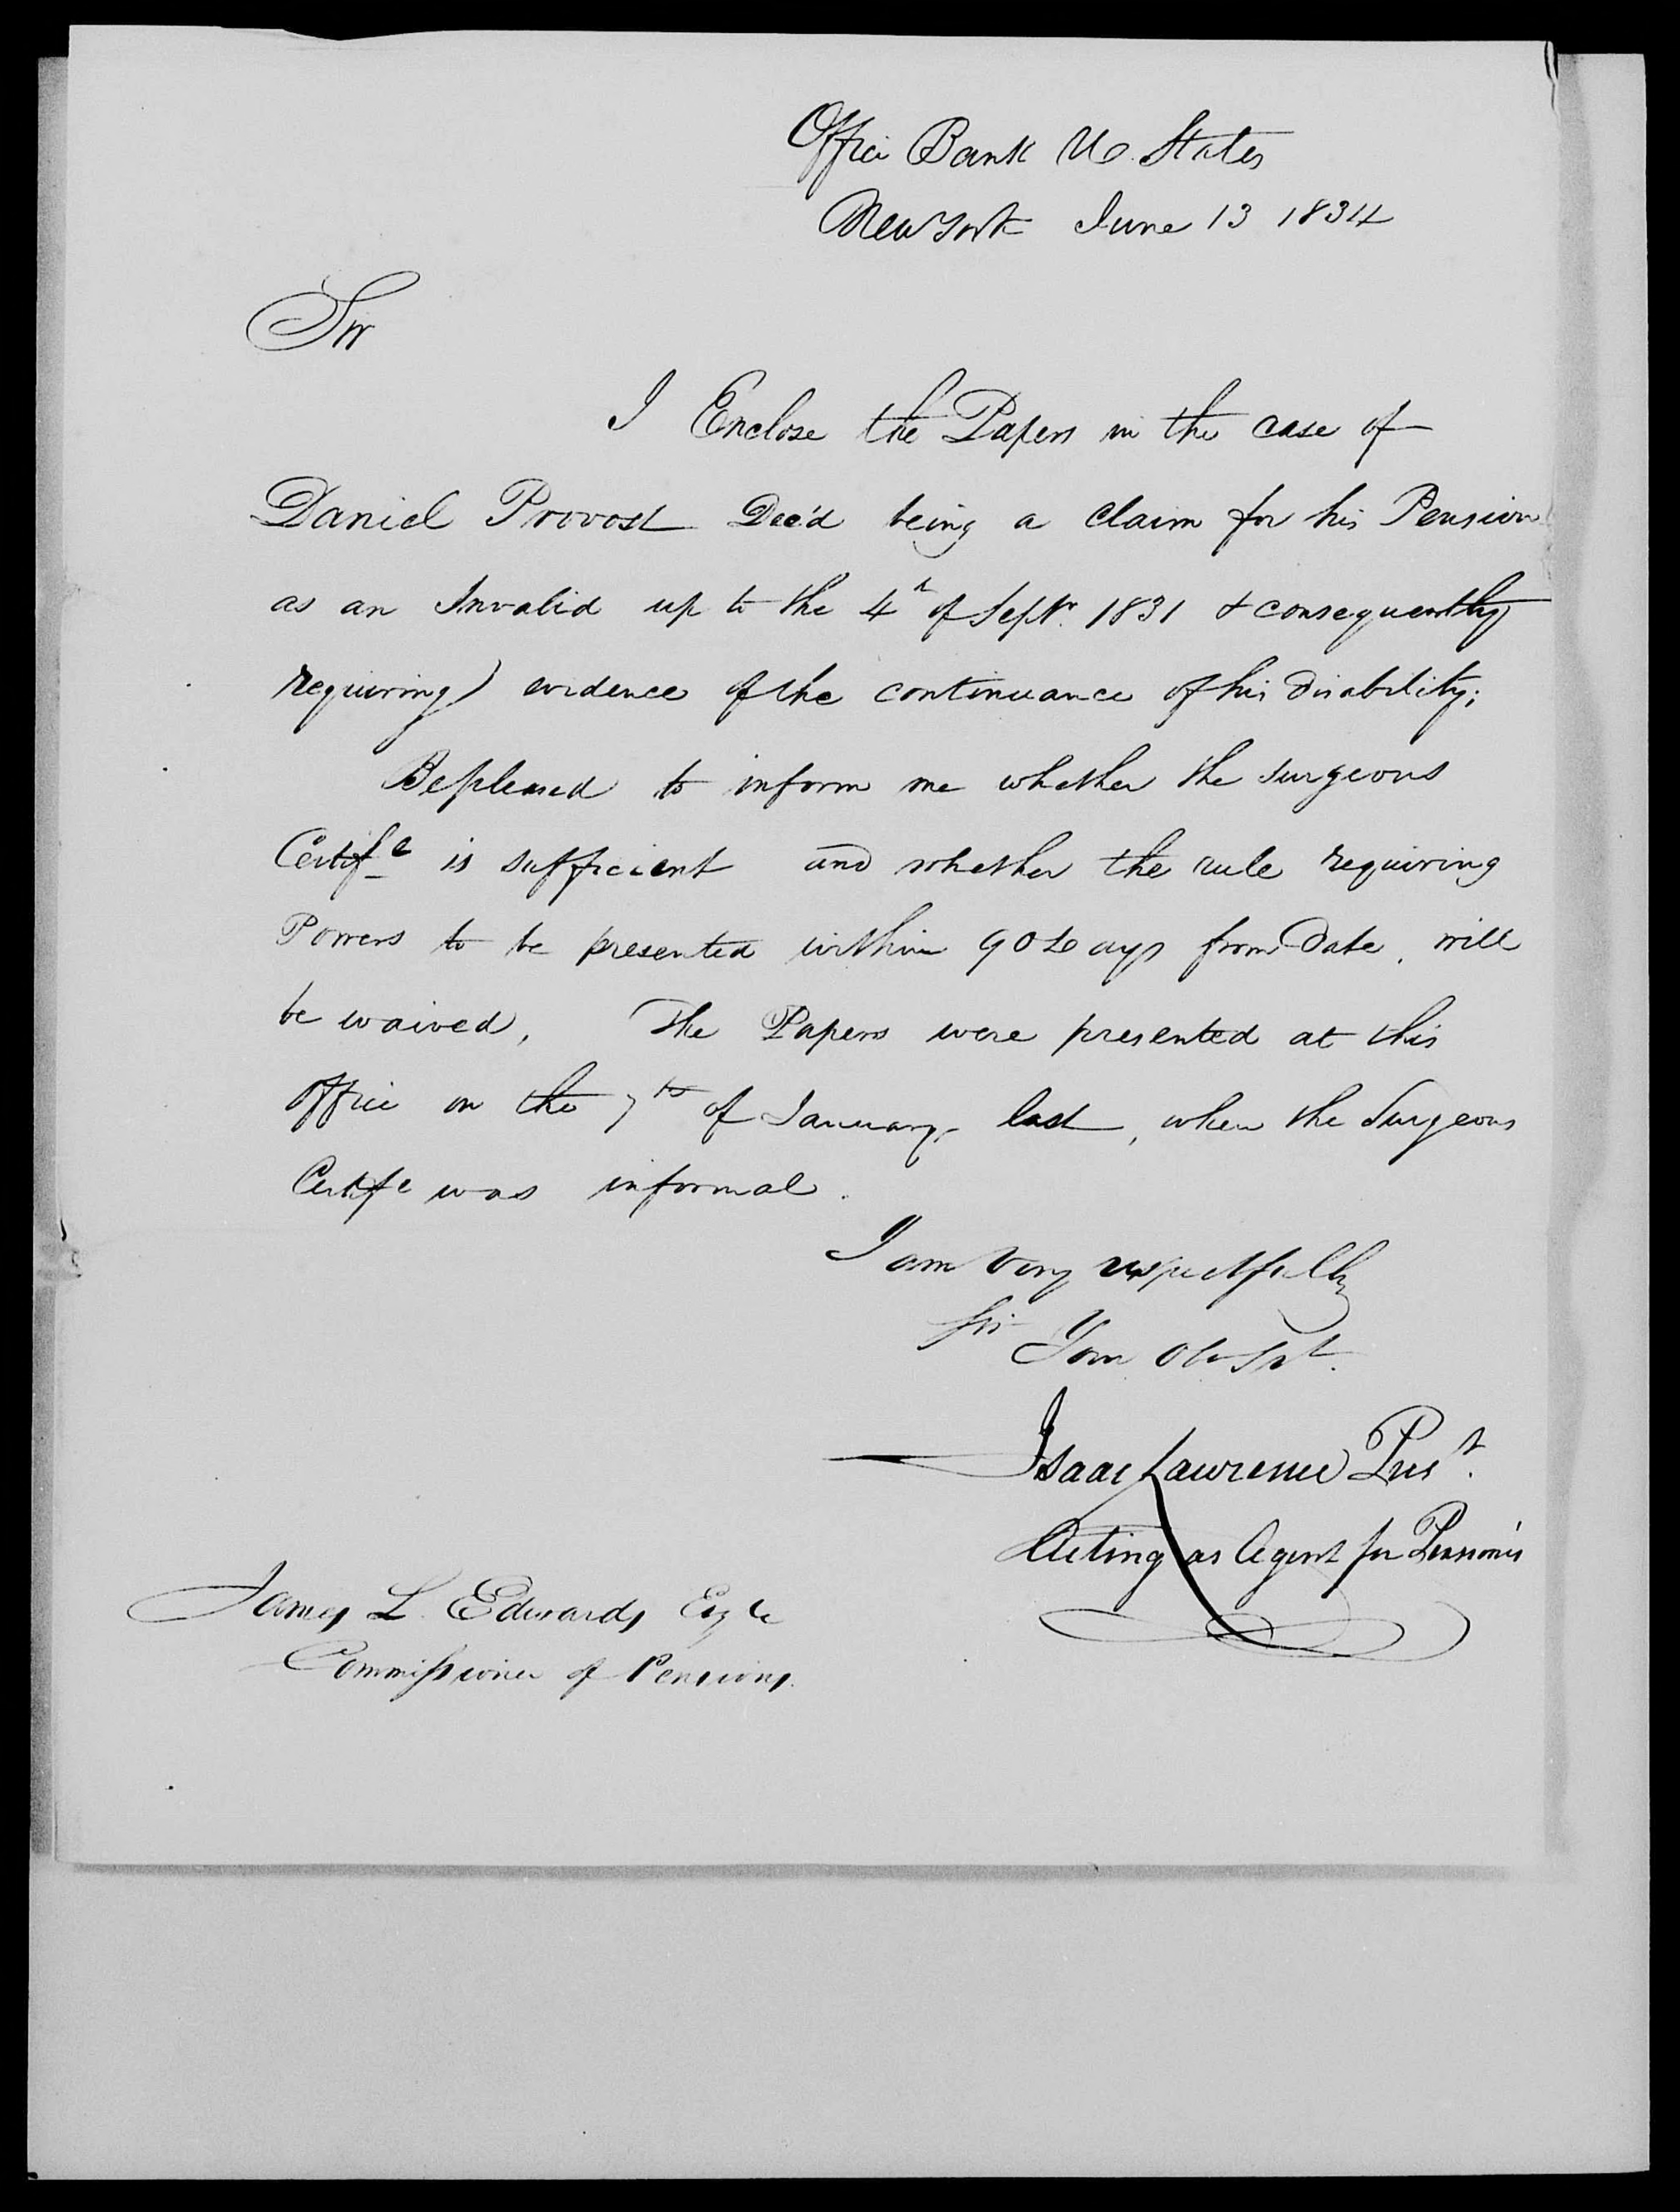Office Bank U. States
New York June 13 1834
Sir
I Enclose the papers in the case of
Daniel Provost Dec'd being a claim for his pension
as an Invalid up to the 4th of Septr 1831 & consequently
requiring evidence of the continuance of his disability;
Bepleased to inform me whether the Surgeons
Certife is sufficient and whether the rule requiring
Powers to be presented within 90 days from date, will 
be waived The Papers were presented at this
Office on the 7th of January
last, when the Surgeons
Certife was informal
I am very respectfully
Sir Your Ob Srt
Isaac Lawrence Pust
Acting as Agent for Pensions
James L. Edwards Esqe
Commissioner of Pensions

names: Isaac Lawrence; Daniel Provost; James L Edwards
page: 14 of 24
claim: survivor's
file: S. 20,926, for Daniel Provost, Connecticut